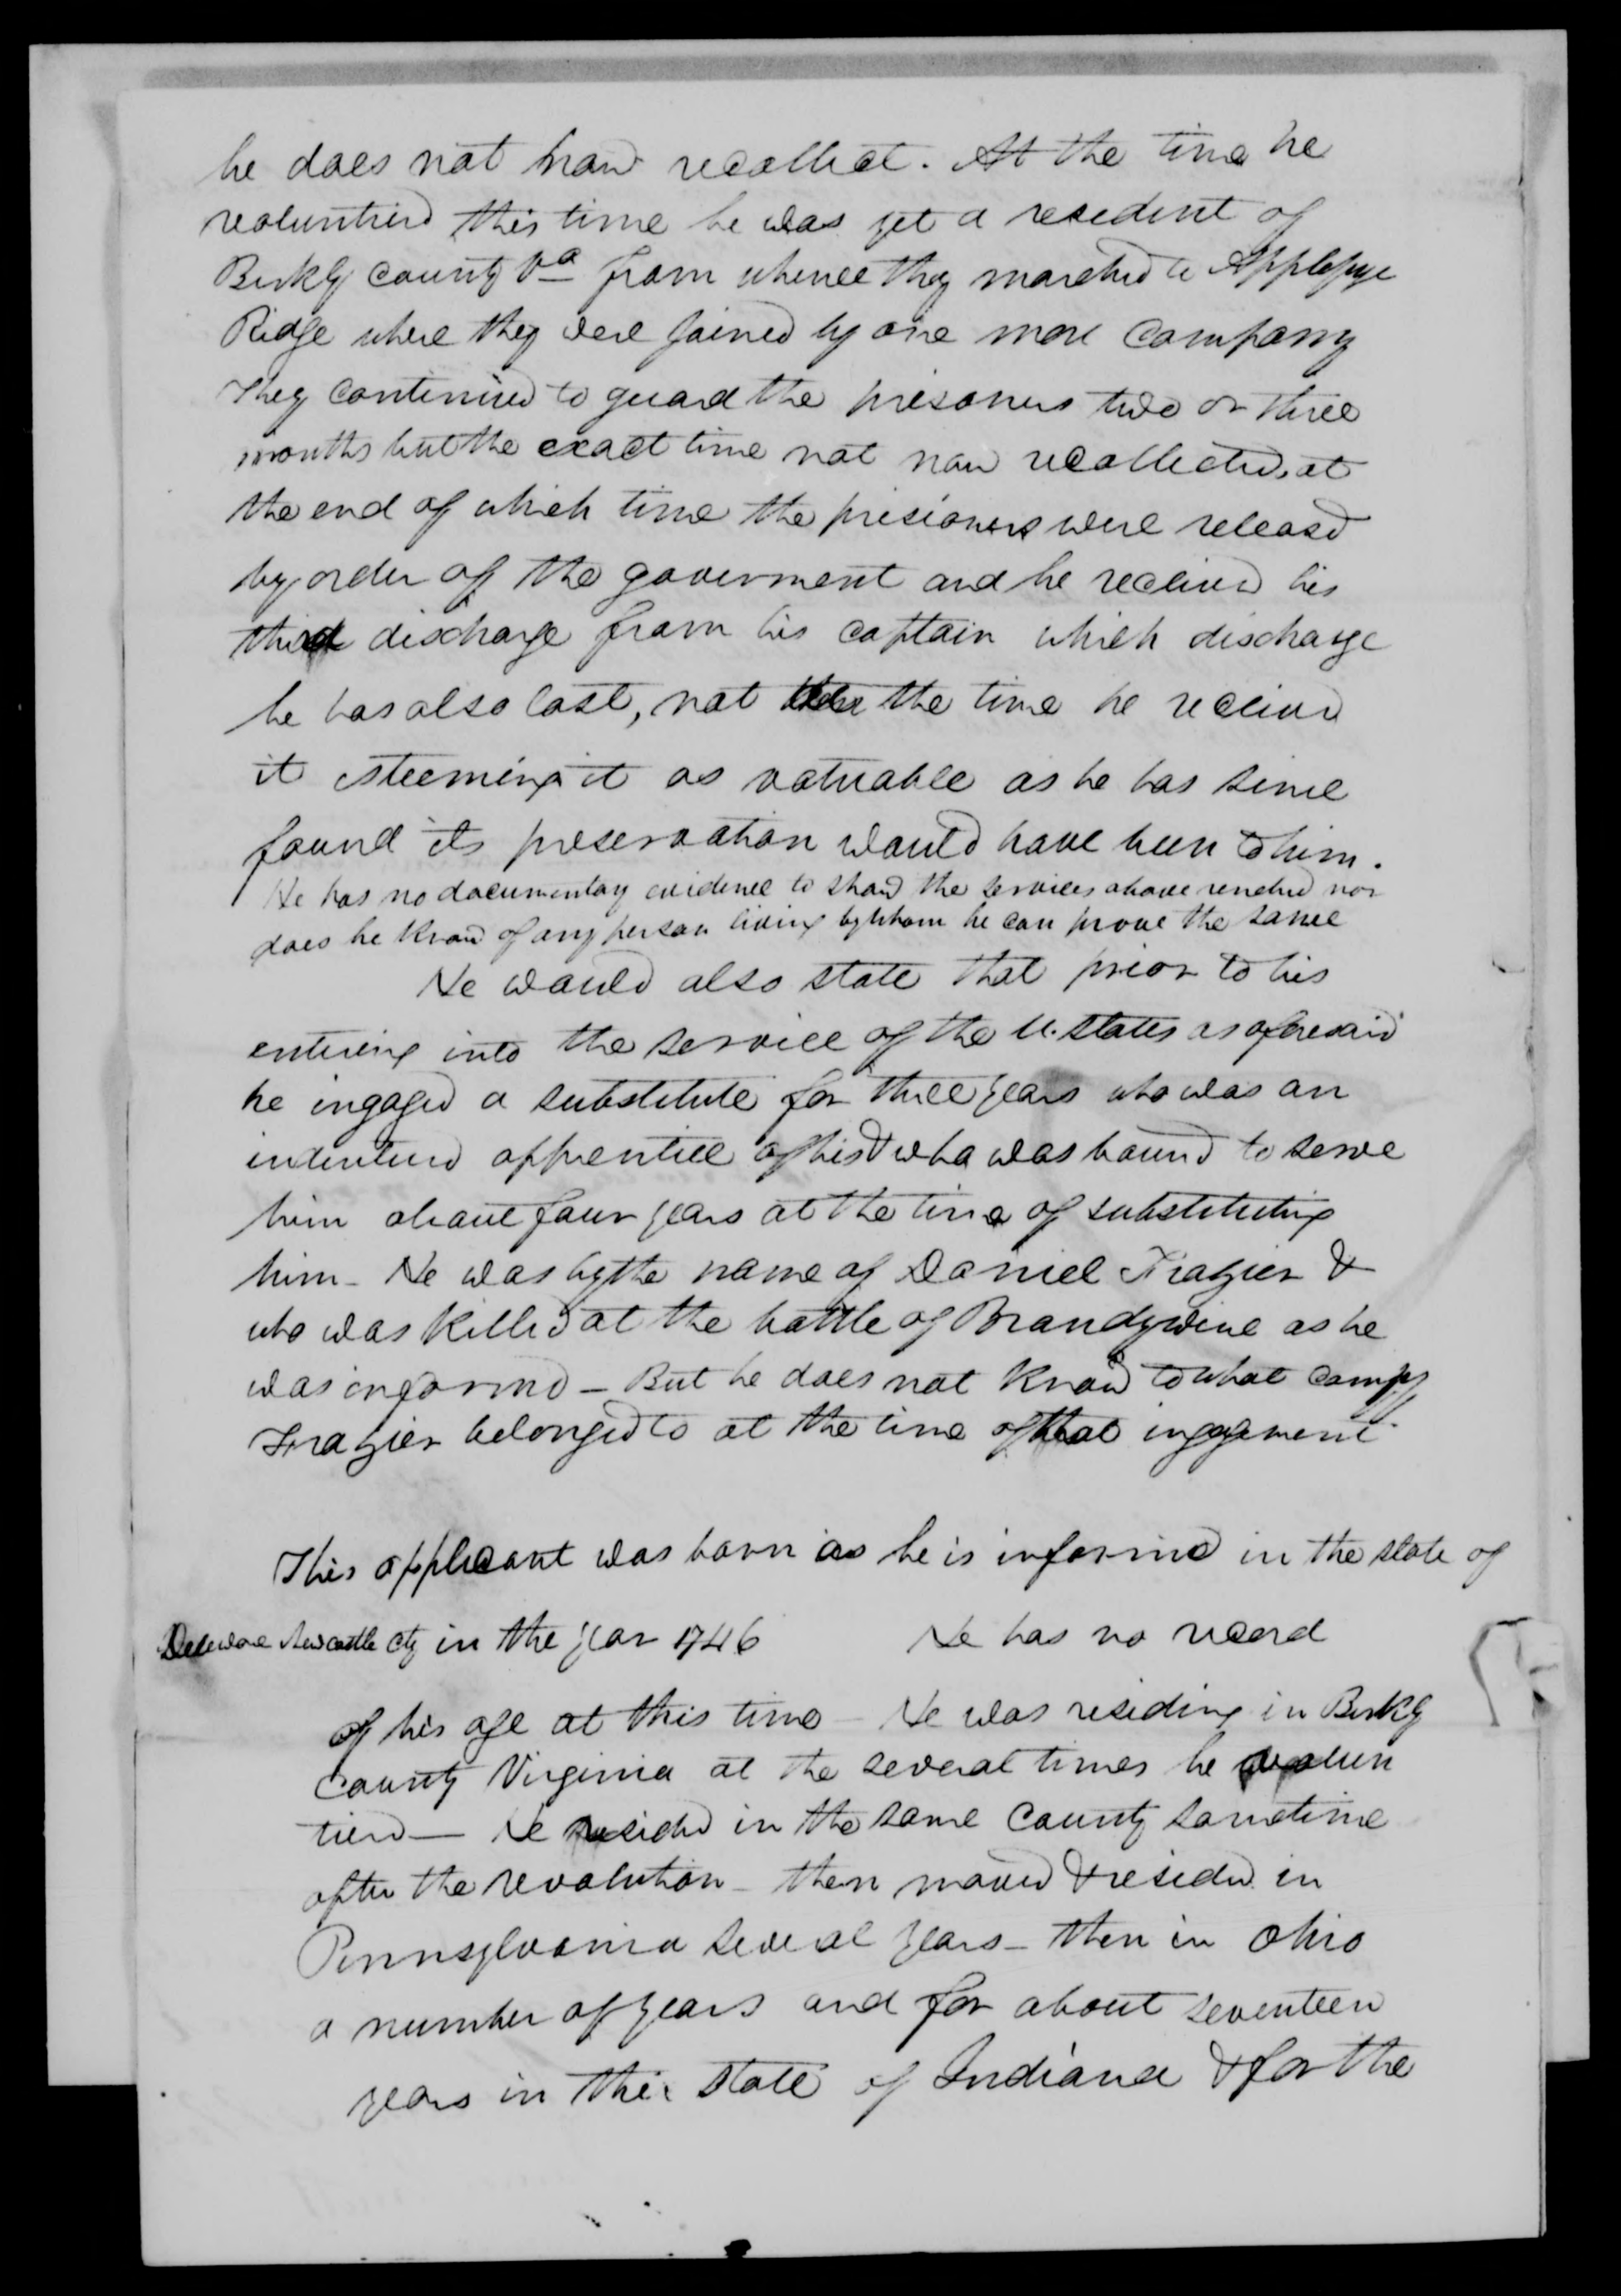he does not now recollect. At the time he volunteered this time he was yet a resident of Berkly County Va from whence they marched to Applepage Ridge where they were joined by one more Company they continued to guard the prisoners two or three months but the exact time not now recollected, at the end of which time the prisoners were released by order of the government and he received his third discharge from his captain which discharge he has also lost, not at the time he received it esteeming it as valuable as he has since found its preservation would have been to him.
He has no documentary evidence to show the services above rendered nor does he know of any person living by whom he can prove the same
He would also state that prior to his entering into the service of the U. States as aforesaid he ingaged a substitute for three years who was an indentured apprentice of his & who was bound to serve him about four years at the time of substituting him - He was by the name of Daniel Frazier & who was killed at the battle of Brandywine as he was informed - But he does not know to what Compy Frazier belonged at the time of that ingagement.
This applicant was born as he is informed in the state of Delaware New Castle cty in the year 1746 He has no record of his age at this time - He was residing in Berkly County Virginia at the several times he volunteered - He resided in the same County sometime after the revolution - then moved & resided in Pennsylvania several years - then in Ohio a number of years and for about seventeen years in this state of Indiana & for the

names: Daniel Frazier, Frazier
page: 10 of 27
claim: widow's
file: W. 9860, Samuel Torrons, Va.